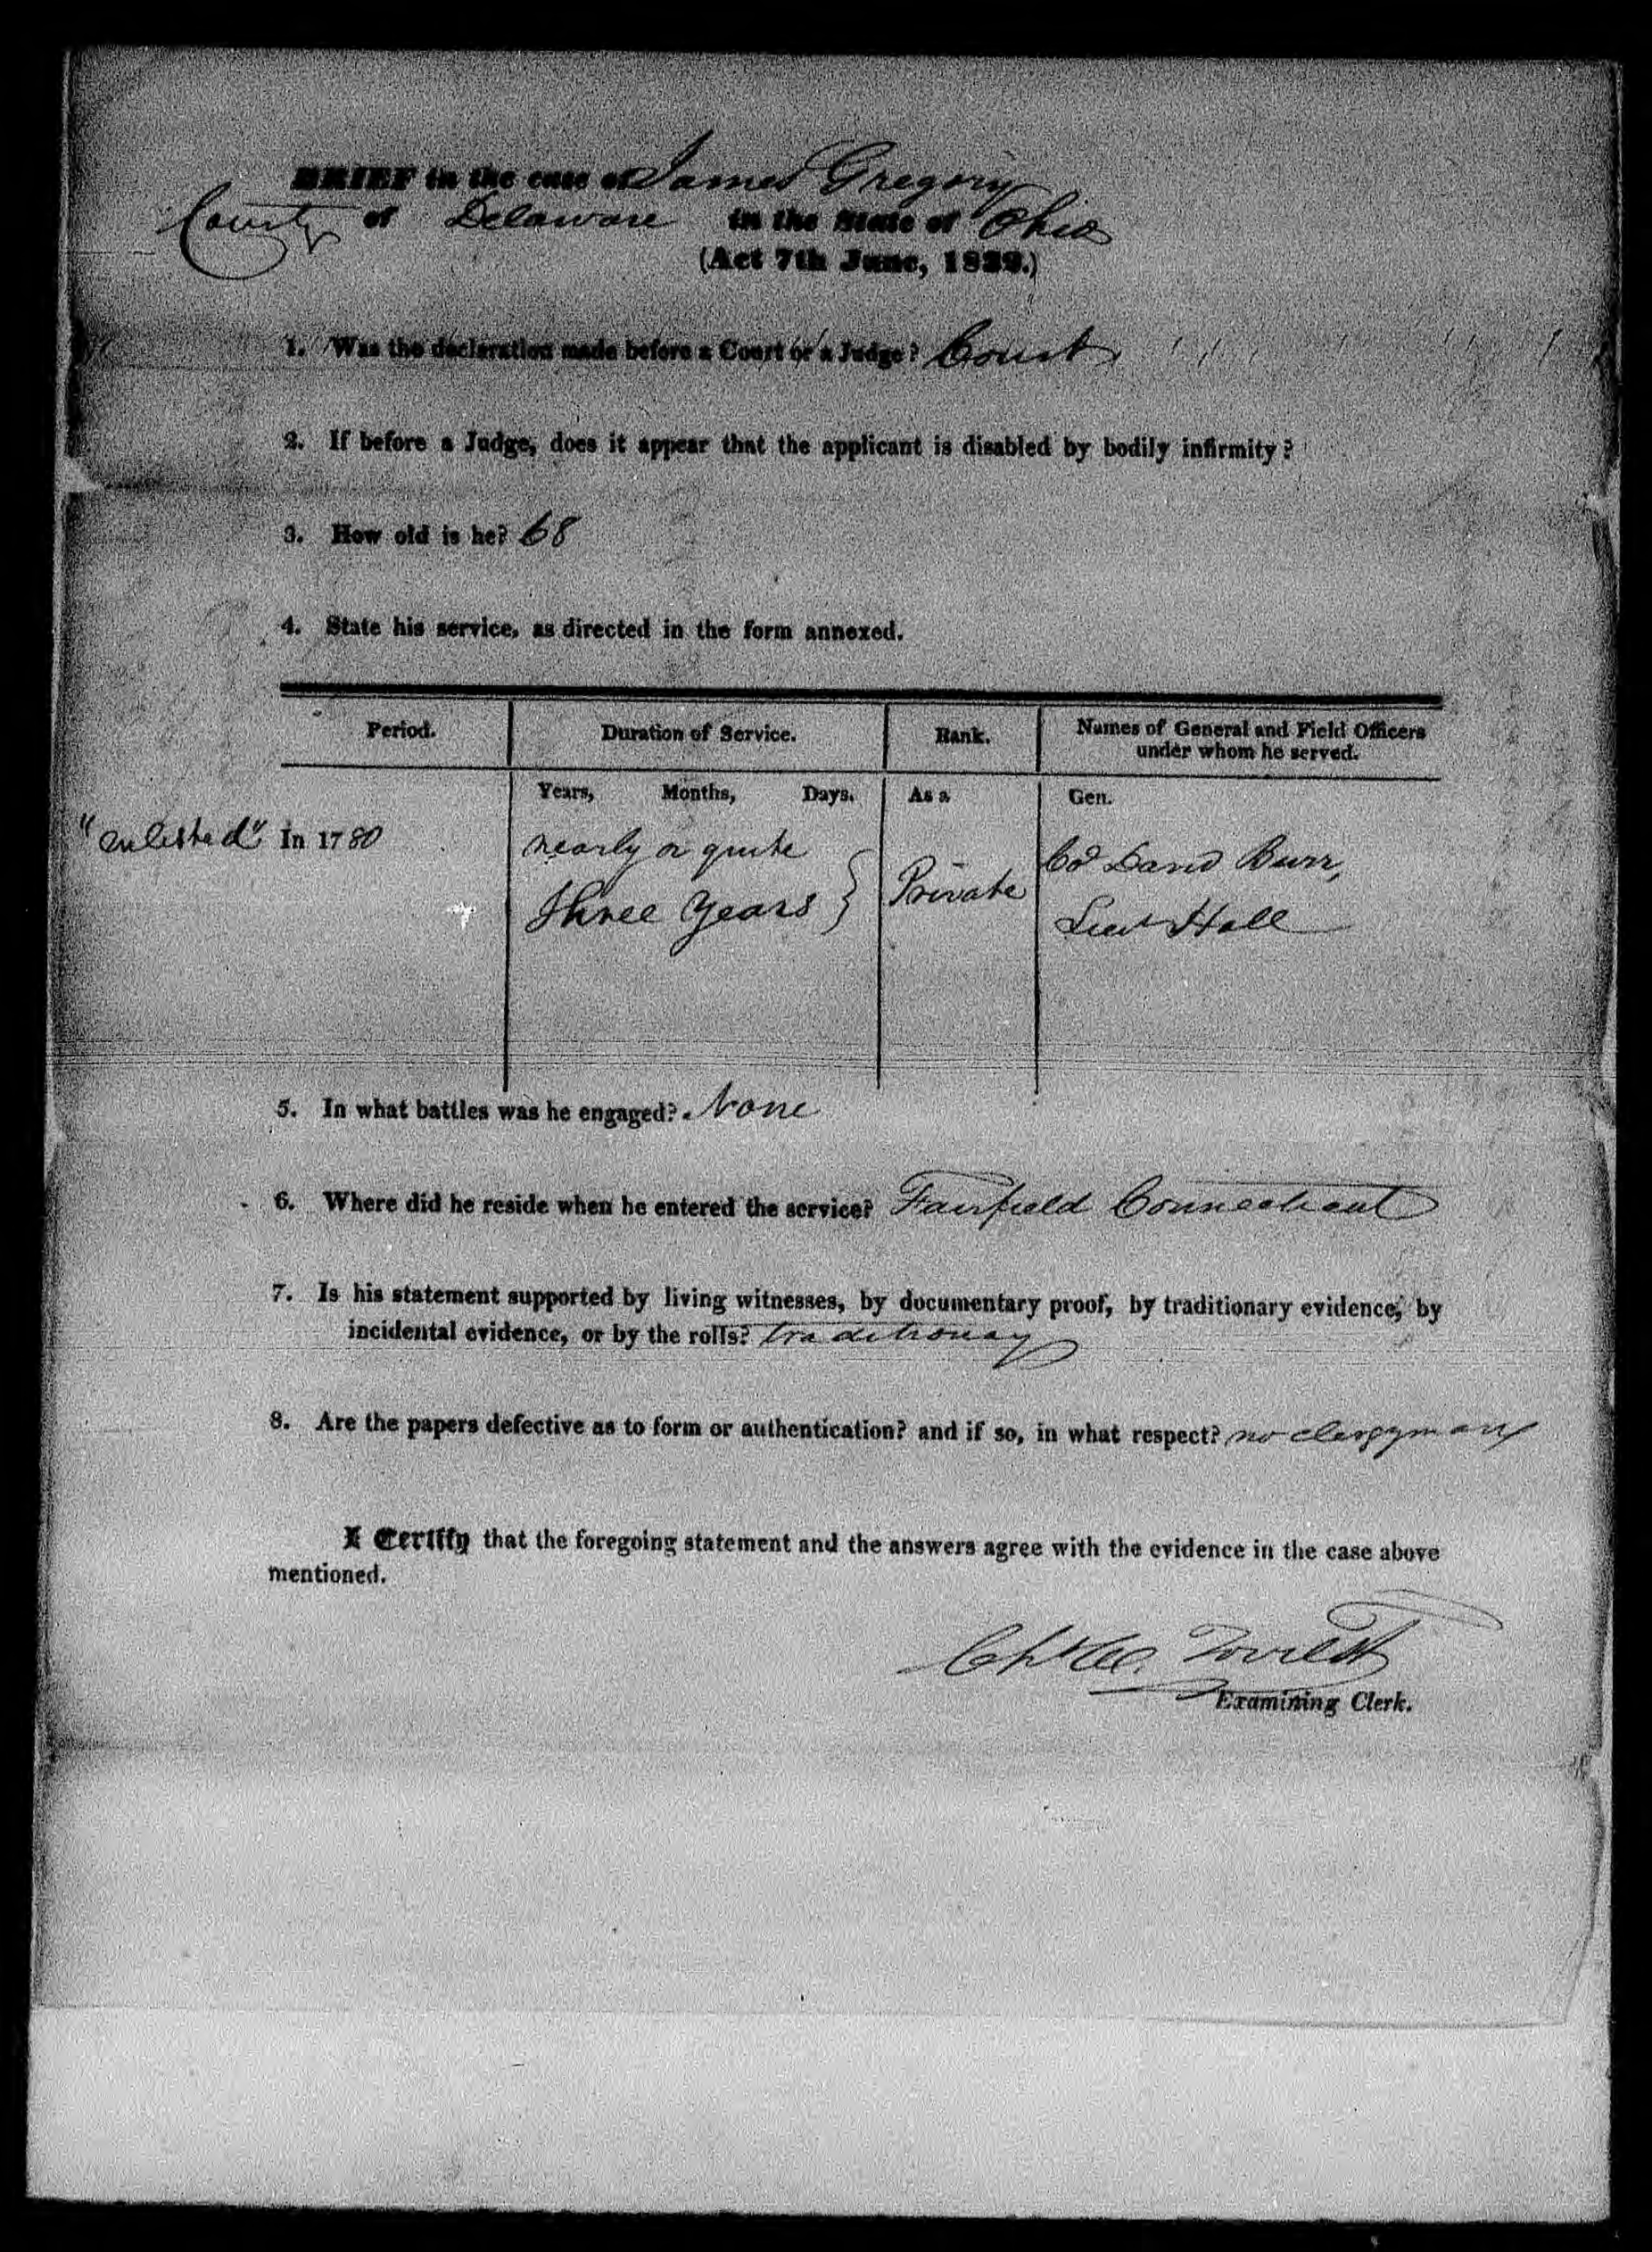BRIEF in the case of James Gregory, Court of Delaware in the State of Ohio
(Act 7th June, 1832)

1. Was the declarant made before a Court or a Judge?  Court

2. If before a Judge, does it appear that the applicant is disabled by bodily infirmity?

3. How old is he?  68

4. State his service, as directed in the form annexed.

Period: "enlisted" In 1780
Duration of Service: nearly or quite three years
Rank: Private
Names of the General and Field Officers under whom he served: Col David Burr, Lieut Hall

5. In what battles was he engaged?  None

6. Where did he reside when he entered the service?  Fairfield Connecticut

7. Is his statement supported by living witnesses, by documentary proof, by traditionary evidence, by incidental evidence, or by the rolls?  traditionary

8. Are the papers defective as to form or authentication? and if so, in what respect?  no clergyman

* Certify that the foregoing statement and the answers agree with the evidence in the case above mentioned.

Ch W Forrest
Examining Clerk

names: David Burr, Chs W Forrest, Hall, James Gregory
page: 11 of 27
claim: survivor's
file: S. 17445, James Gregory, Conn.